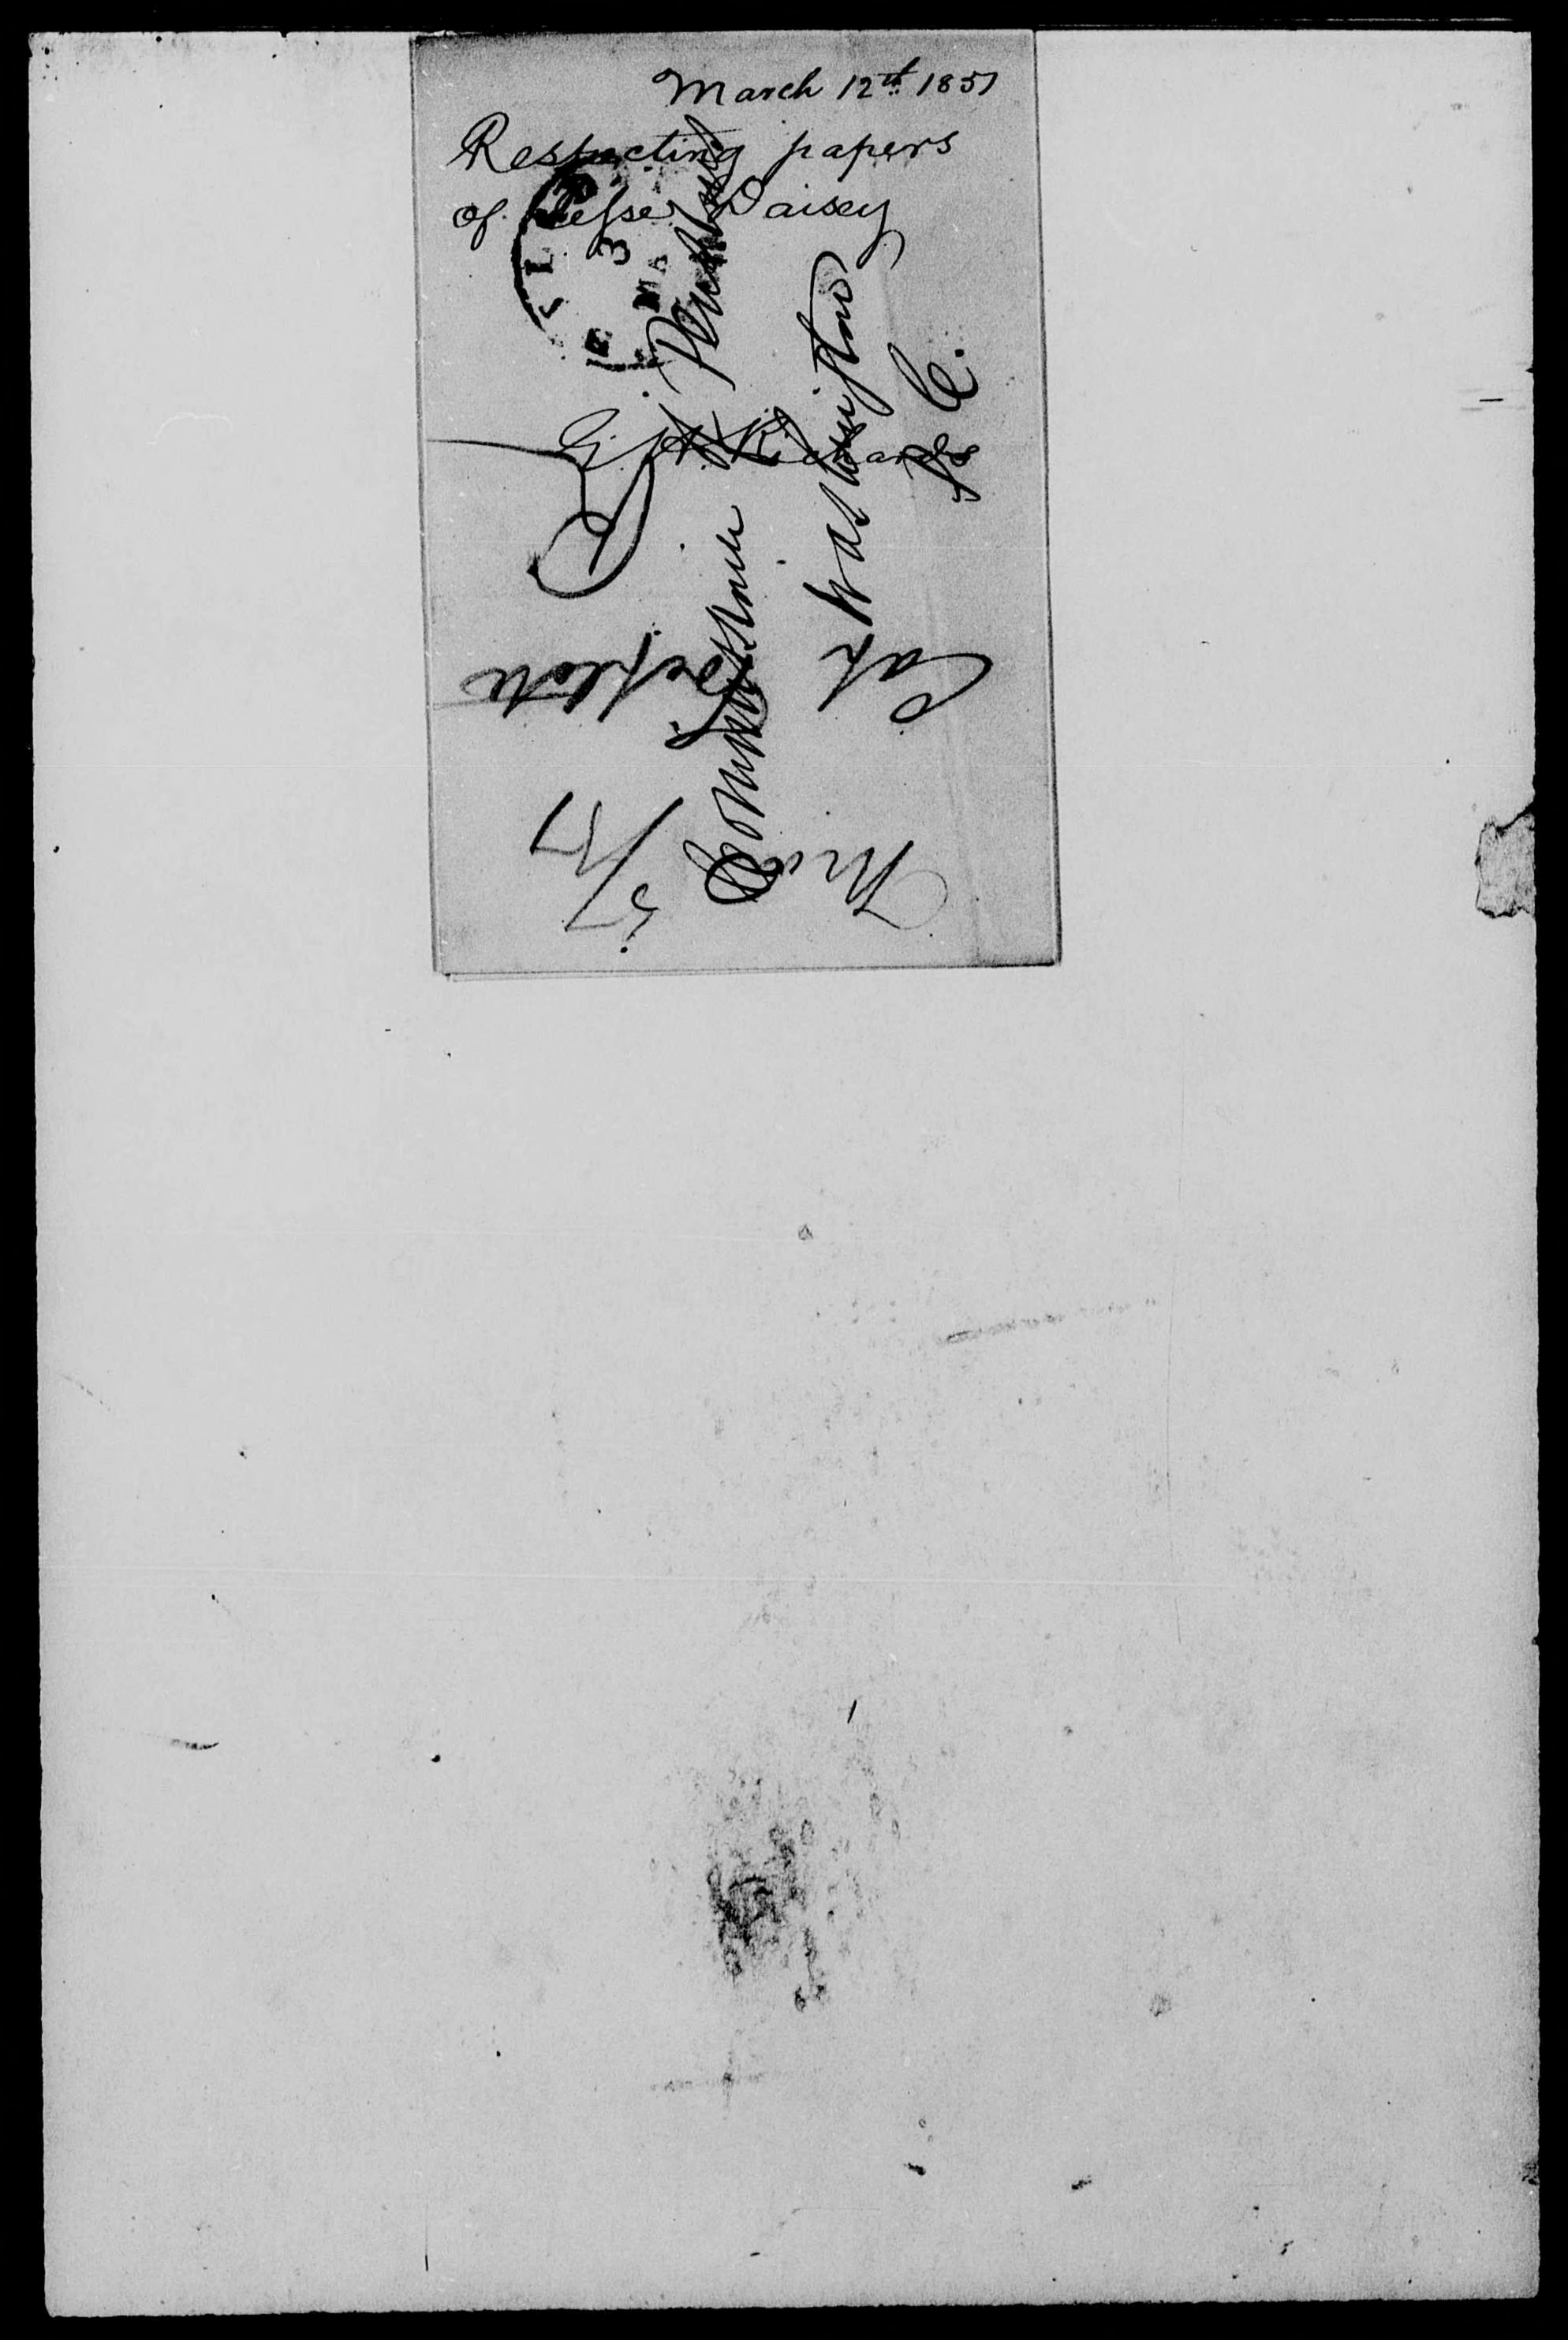(3-1776)
SERVICE                             NUMBER
Del.           Dazey  Jesse          R2795
             or Dasey
Contents
{no other entry]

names: Triplett, G H Richards, Jesse Daisey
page: 31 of 32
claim: rejected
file: R. 2795, Jesse Dazey, Del.